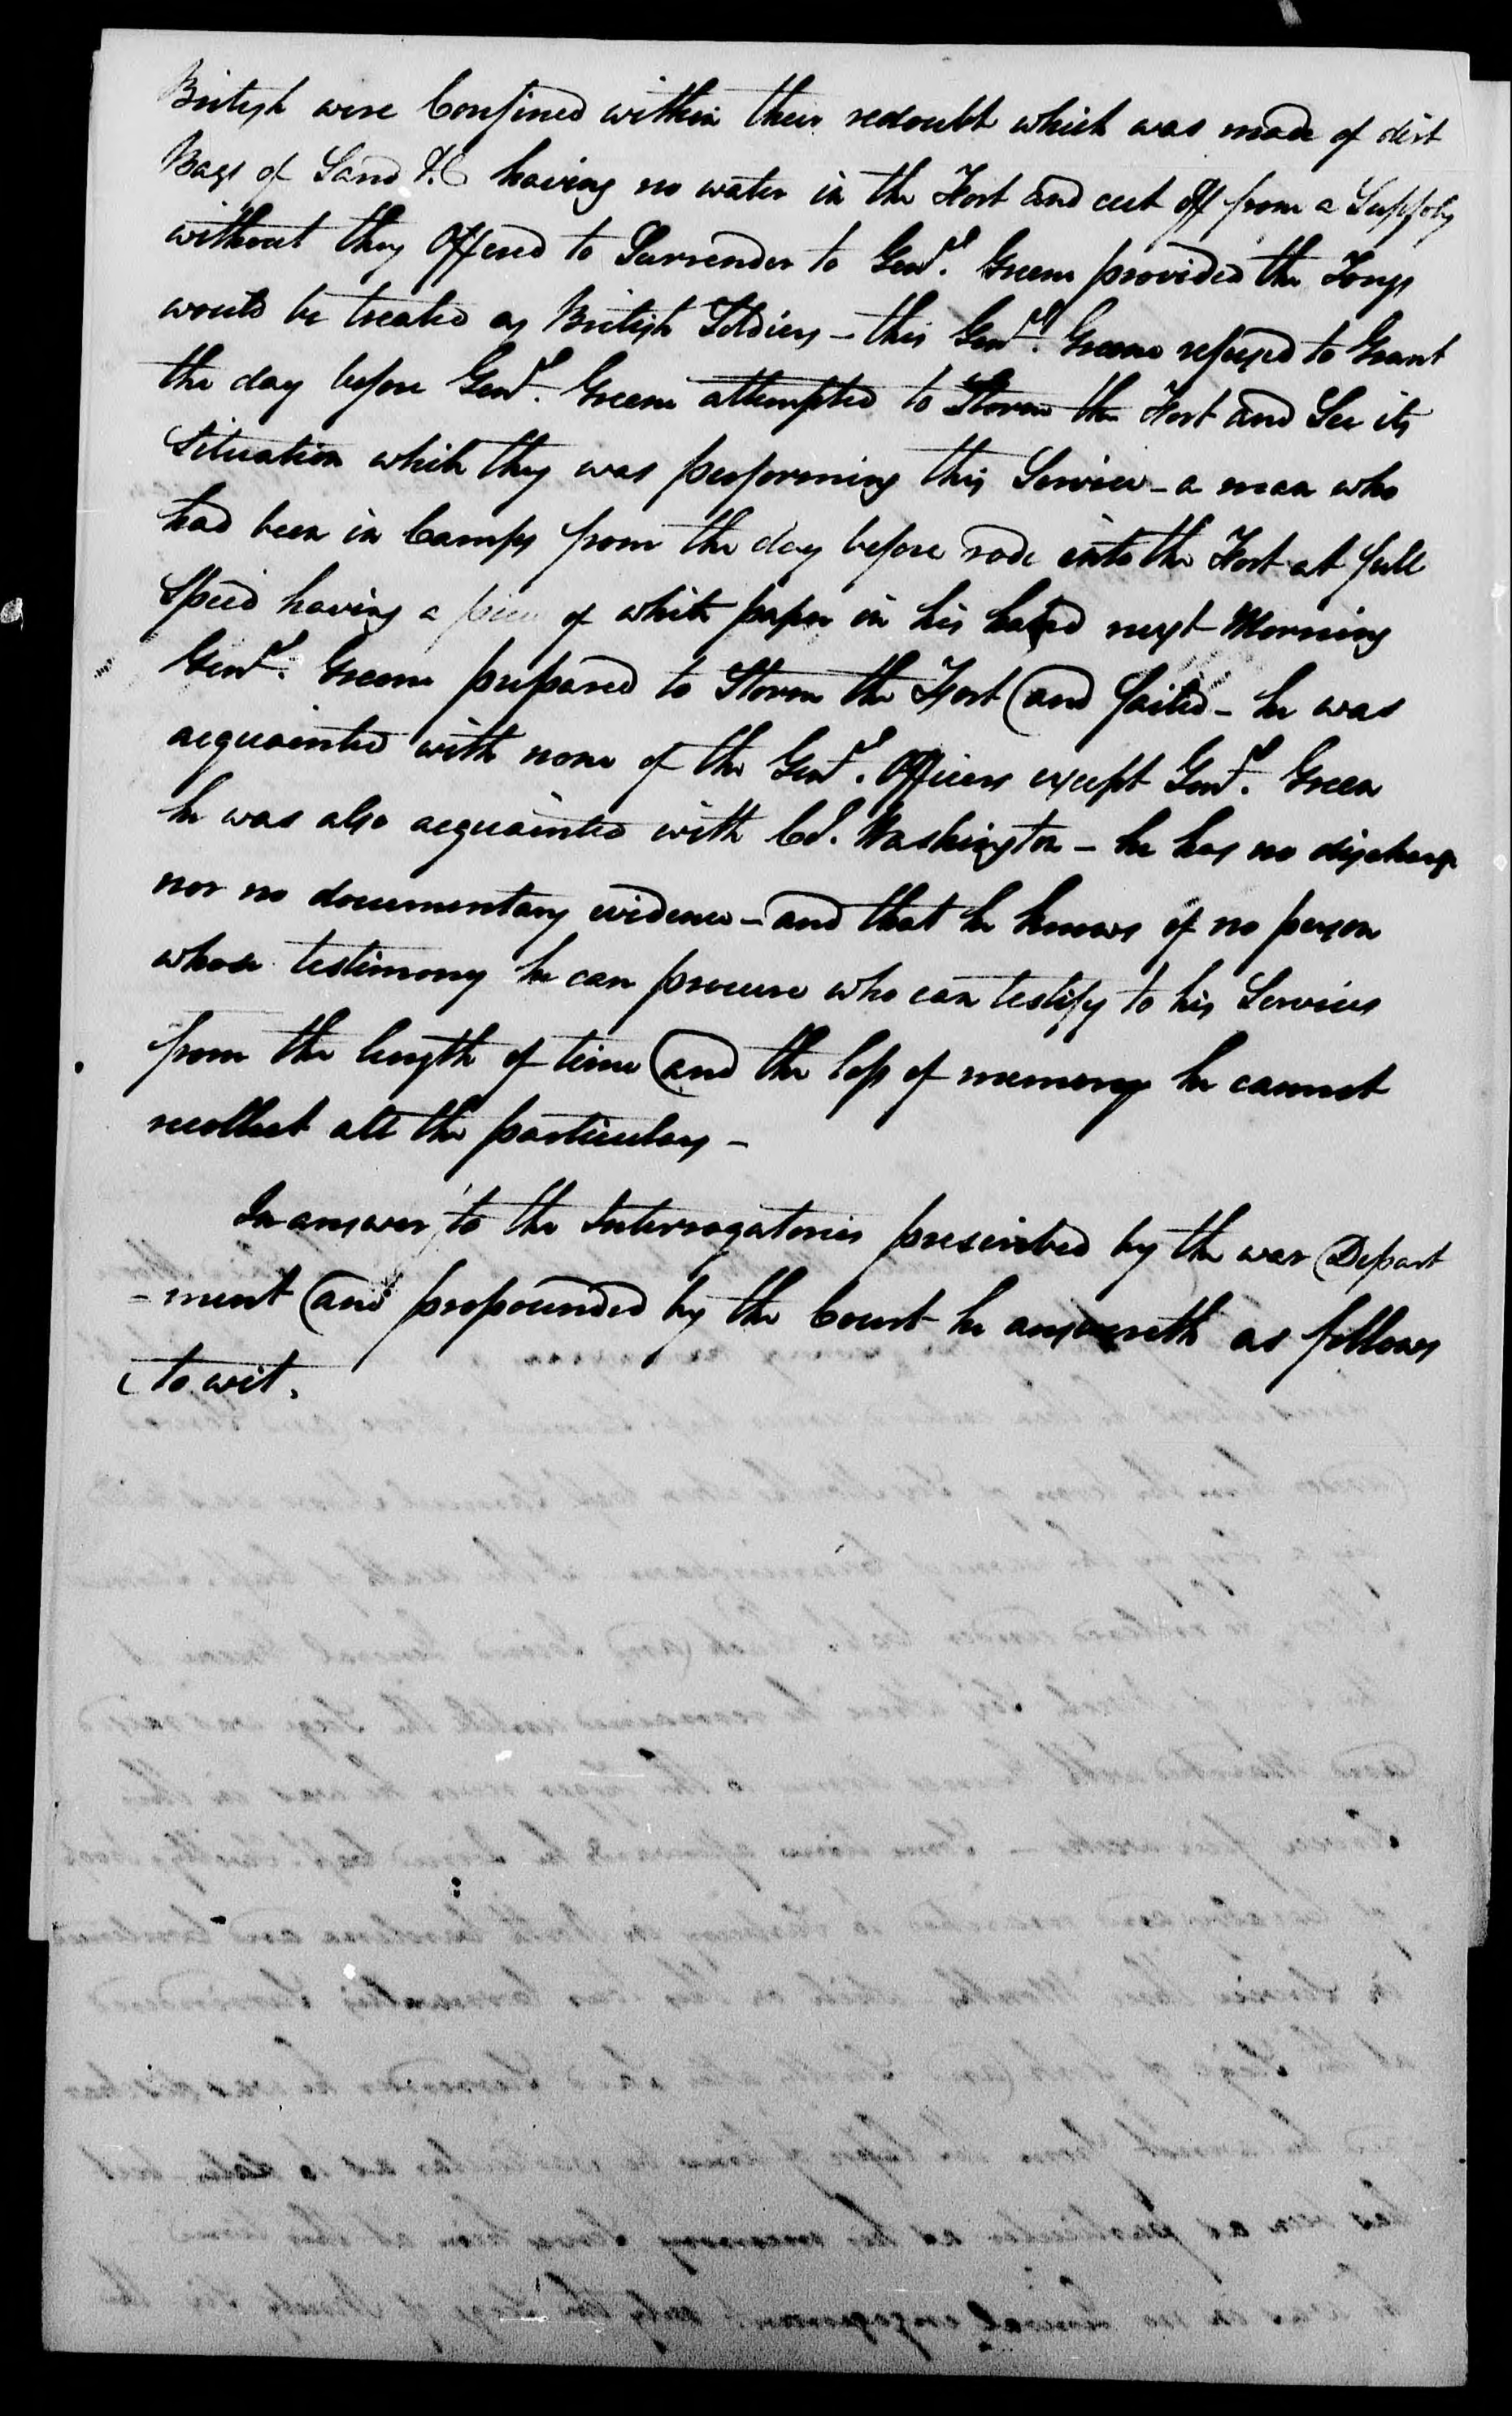British were confined within their redoubt which was made of dirt bags of sand &c having no water in the Fort and cut off from a supply without they offered to surrender to Genl. Greene provided Torys would be treated as British soldiers, Genl. Greene refund to Grant the day before Genl. Greene attempted to storm the Fort and ses its situation which they was performing this service, a man who had been in Camps from the day before rode into the Fort at full speed having a piece of white paper in his hand next morning Genl. Greene prepared to storm the Fort and failed, he was acquainted with none of the Genl. Officers except Genl. Greene he was also acquainted with Col. Washington - he has no discharge nor no documentary evidence and that he knows of no person whose testimony he can procure who can testify to his services from the length of time and the loss of memory he cannot recollect all the particulars.
In answer to the interrogatories prescribed by the war Department and propounded by the Court he answereth as follows to wit,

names: Greene, Grane, Green, Grane, Washington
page: 4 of 24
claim: survivor's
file: S. 31,586, Hawkins Bullock, S.C.